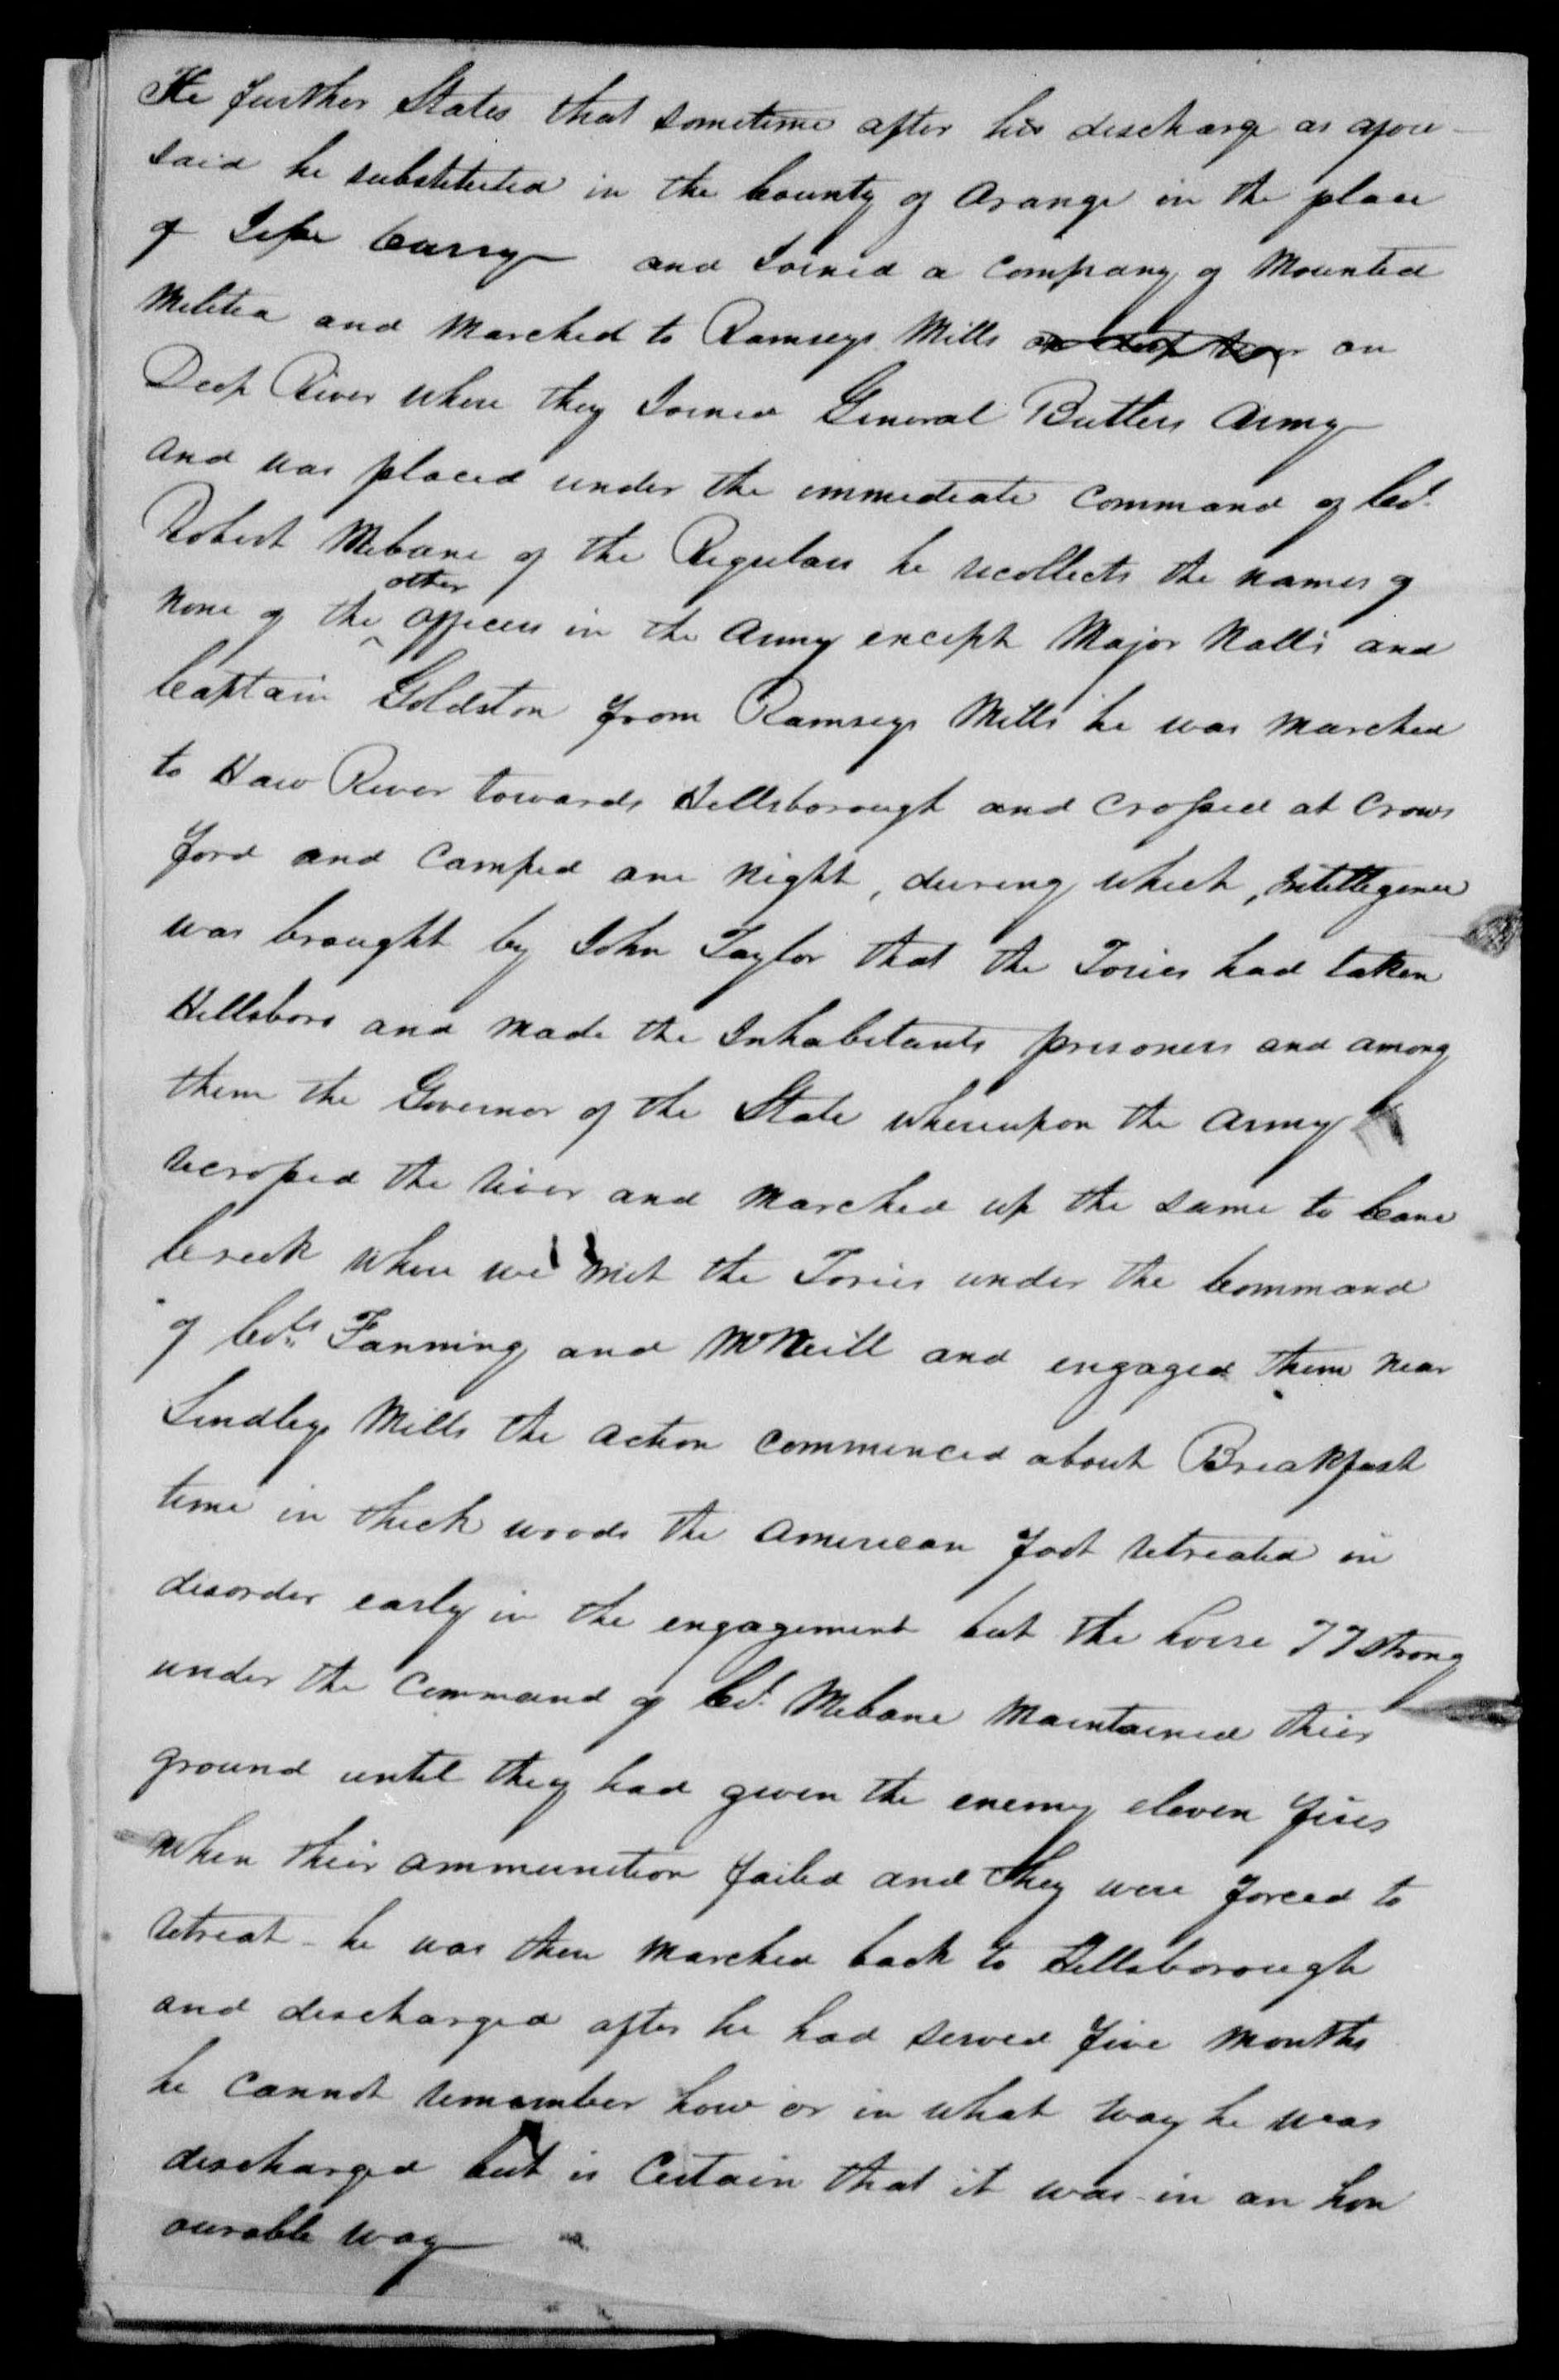He further states that sometime after his discharge as aforesaid 
he substituted in the County of Orange in the place
of Lake Carry and joined a company of Mounted
Militia and marched to Ramseys Mills [cross-out] on 
Deep River when they Joined General Butlers army
and was placed under the immediate command of Col
Robert Mebane of the Regulars he recollects the names of
none of the other Officers in the army except Major Nolls, and
Captain Goldston from Ramseys Mills he was marched
to Haw River towards Hillsborough and crossed at Crows
Ford and camped one night, during which, Intelligence
was brought by John Taylor that the Tories had taken 
Hillsboro and made the Inhabitants prisoners and among
them the Governor of the State whereupon the army
recrossed the river and marched up the same to leave
Creek where we met the Tories under the Command
of Col's Fanning and McNeill and engaged them near
Lindley Mills the action commenced about Breakfast
time in thick woods the American fact retreated in
disorder early in the engagement but the horse 77 strong
under the command of Col Mebane maintained their
ground until they had given the enemy eleven fives
when their ammunition failed and they were forced to
retreat he was then marched back to Hillsborough
and discharged after he had served five months
he cannot remember how or in what way he was
discharged but is Certain that it was in an honorable 
way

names: Goldston, Nalls, Neill, Jesse Curry, Robert Mebane, Butlers, John Taylor, Fanning, Mebane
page: 6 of 16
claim: survivor's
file: S. 8207, James Clark, N.C.